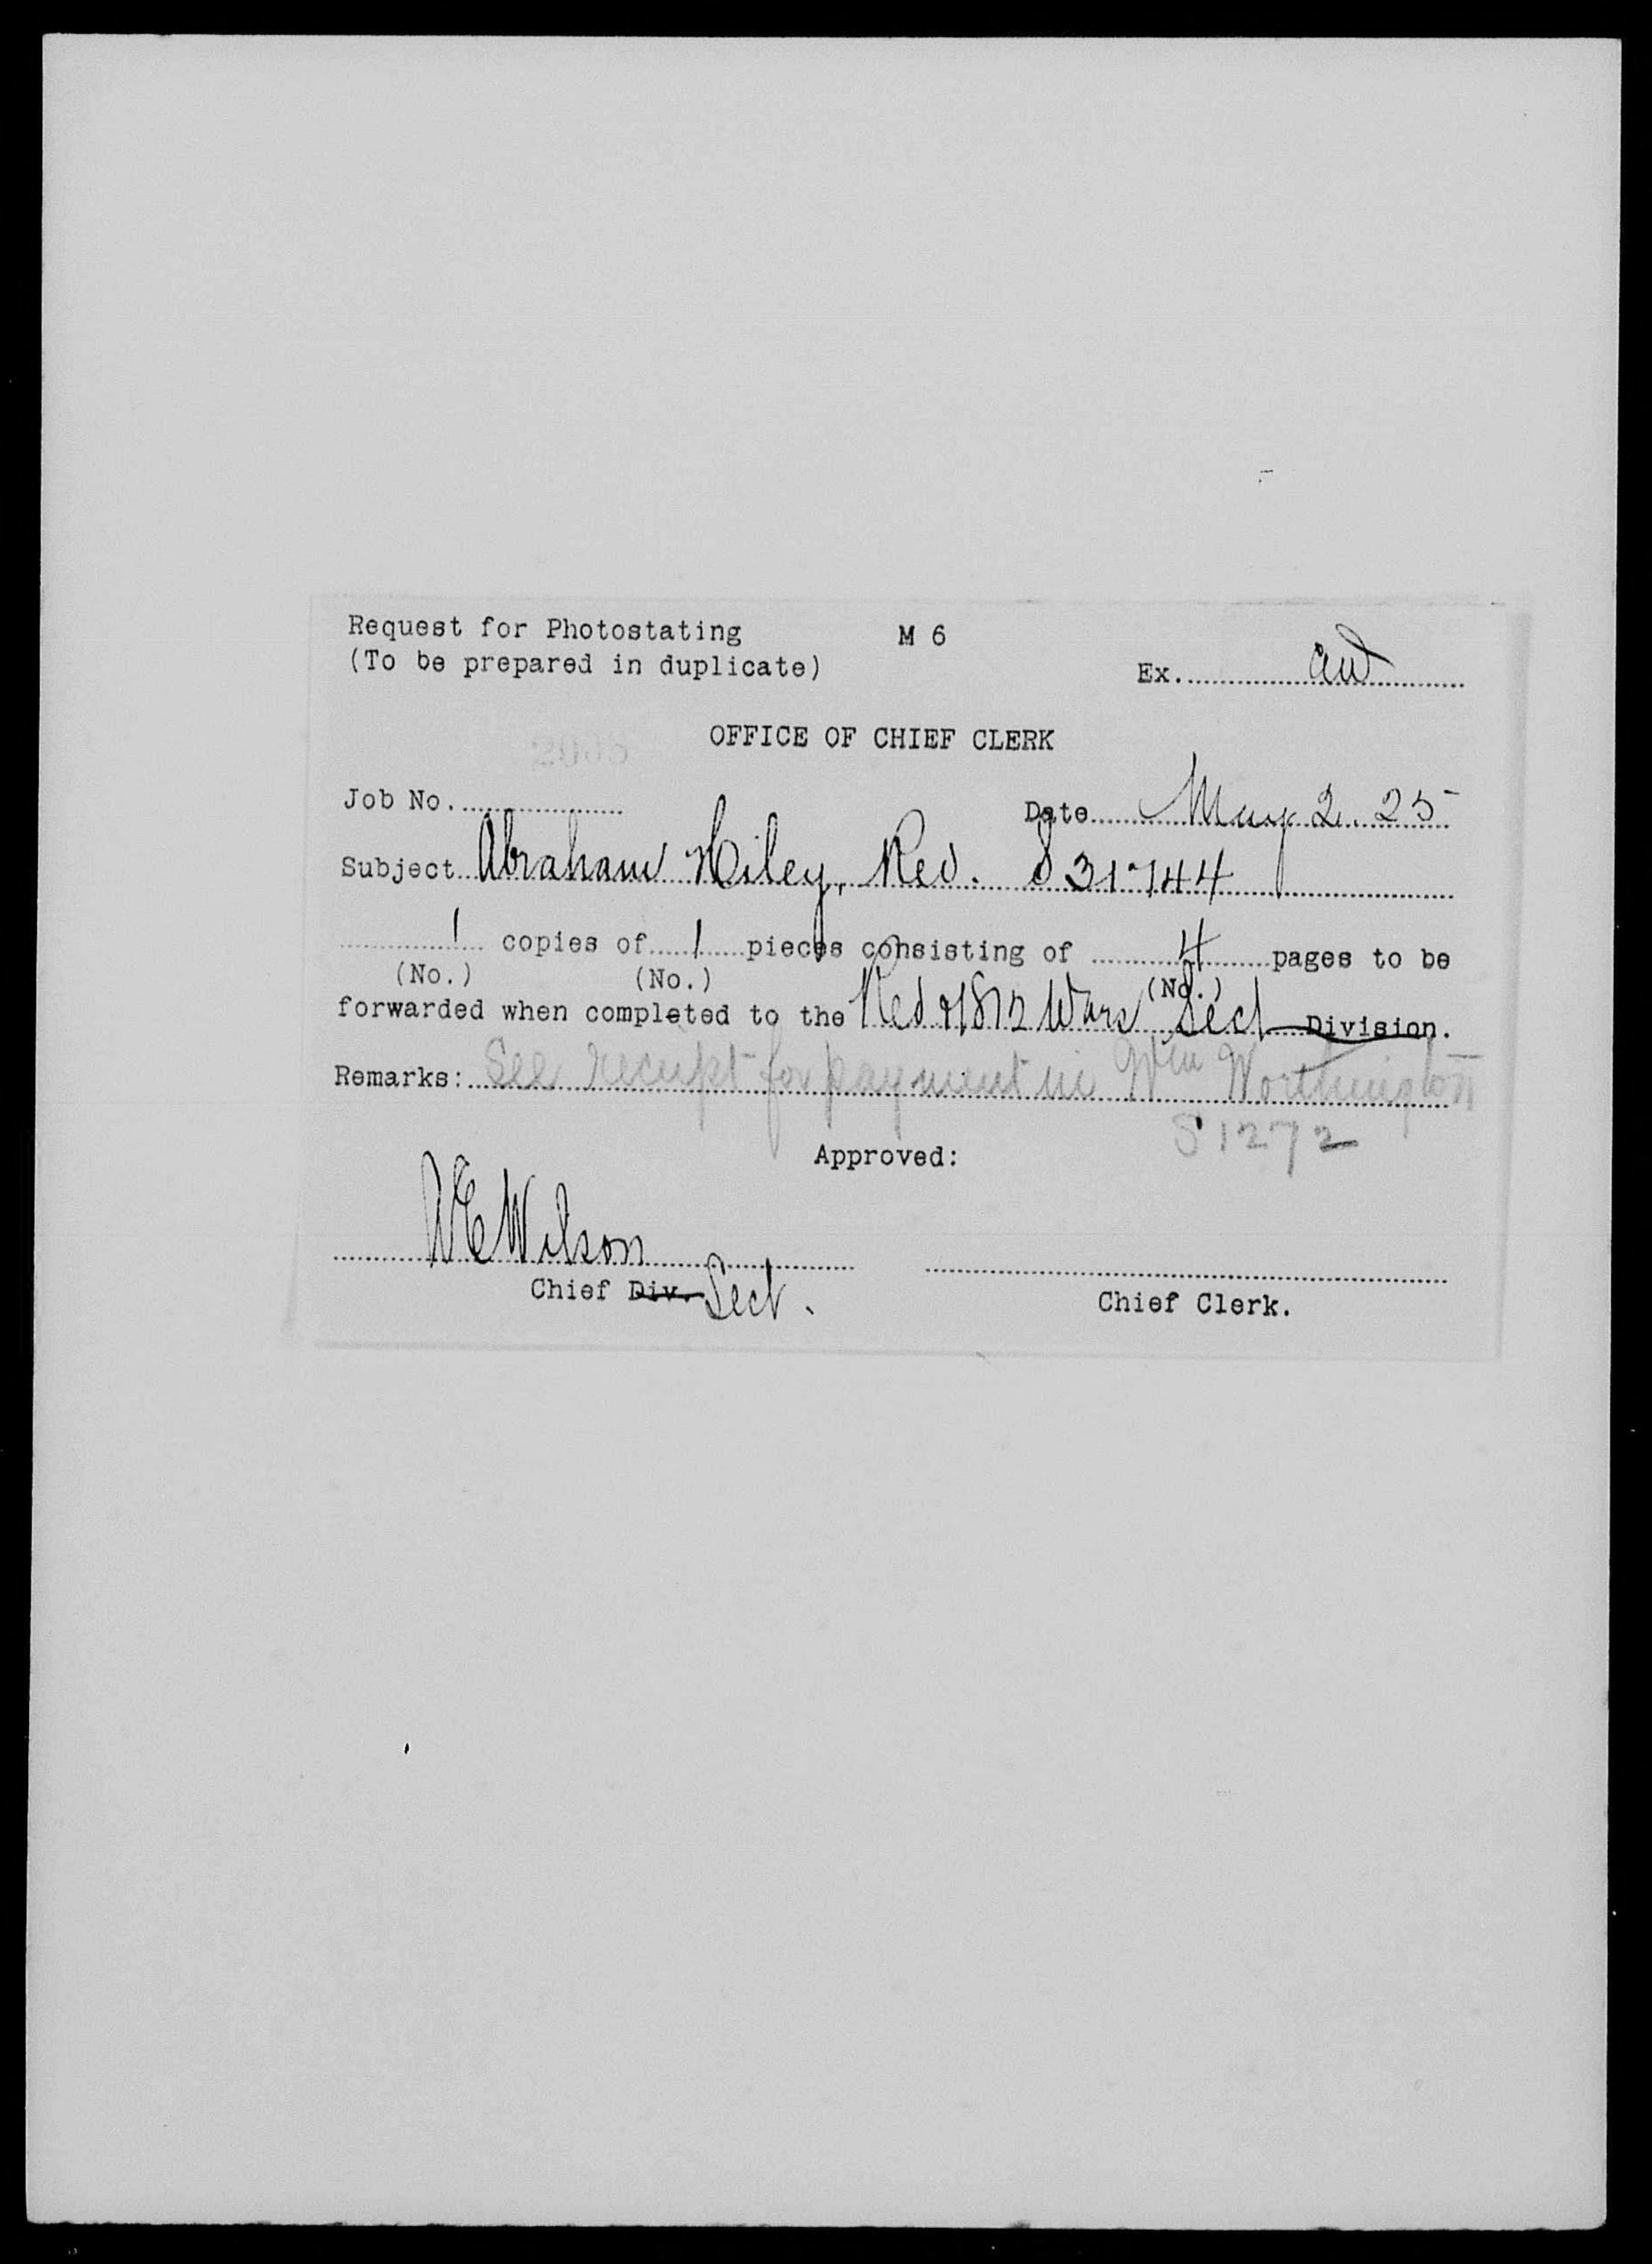Request for Photostating      M6
(to be prepared in duplicate)           Ex.   aul

OFFICE OF CHIEF CLERK

Job No.                              Date    May 2. 25
Subject   Abraham Hiley, Rev. S31744

1 copies of 1 pieces consisting of 4 pages to be

forwarded when completed to the Rev 1812 War Sect Division.  

Remarks:  See reciept for payment in "Wm Worthington    

s1272

Approved:


A. E. Wilson

Chief Sect.                       Chief Clerk.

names: A E Wilson, Abraham Hiley, Wm Worthington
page: 14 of 18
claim: survivor's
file: S. 31744, Abraham Hiley, Penn.